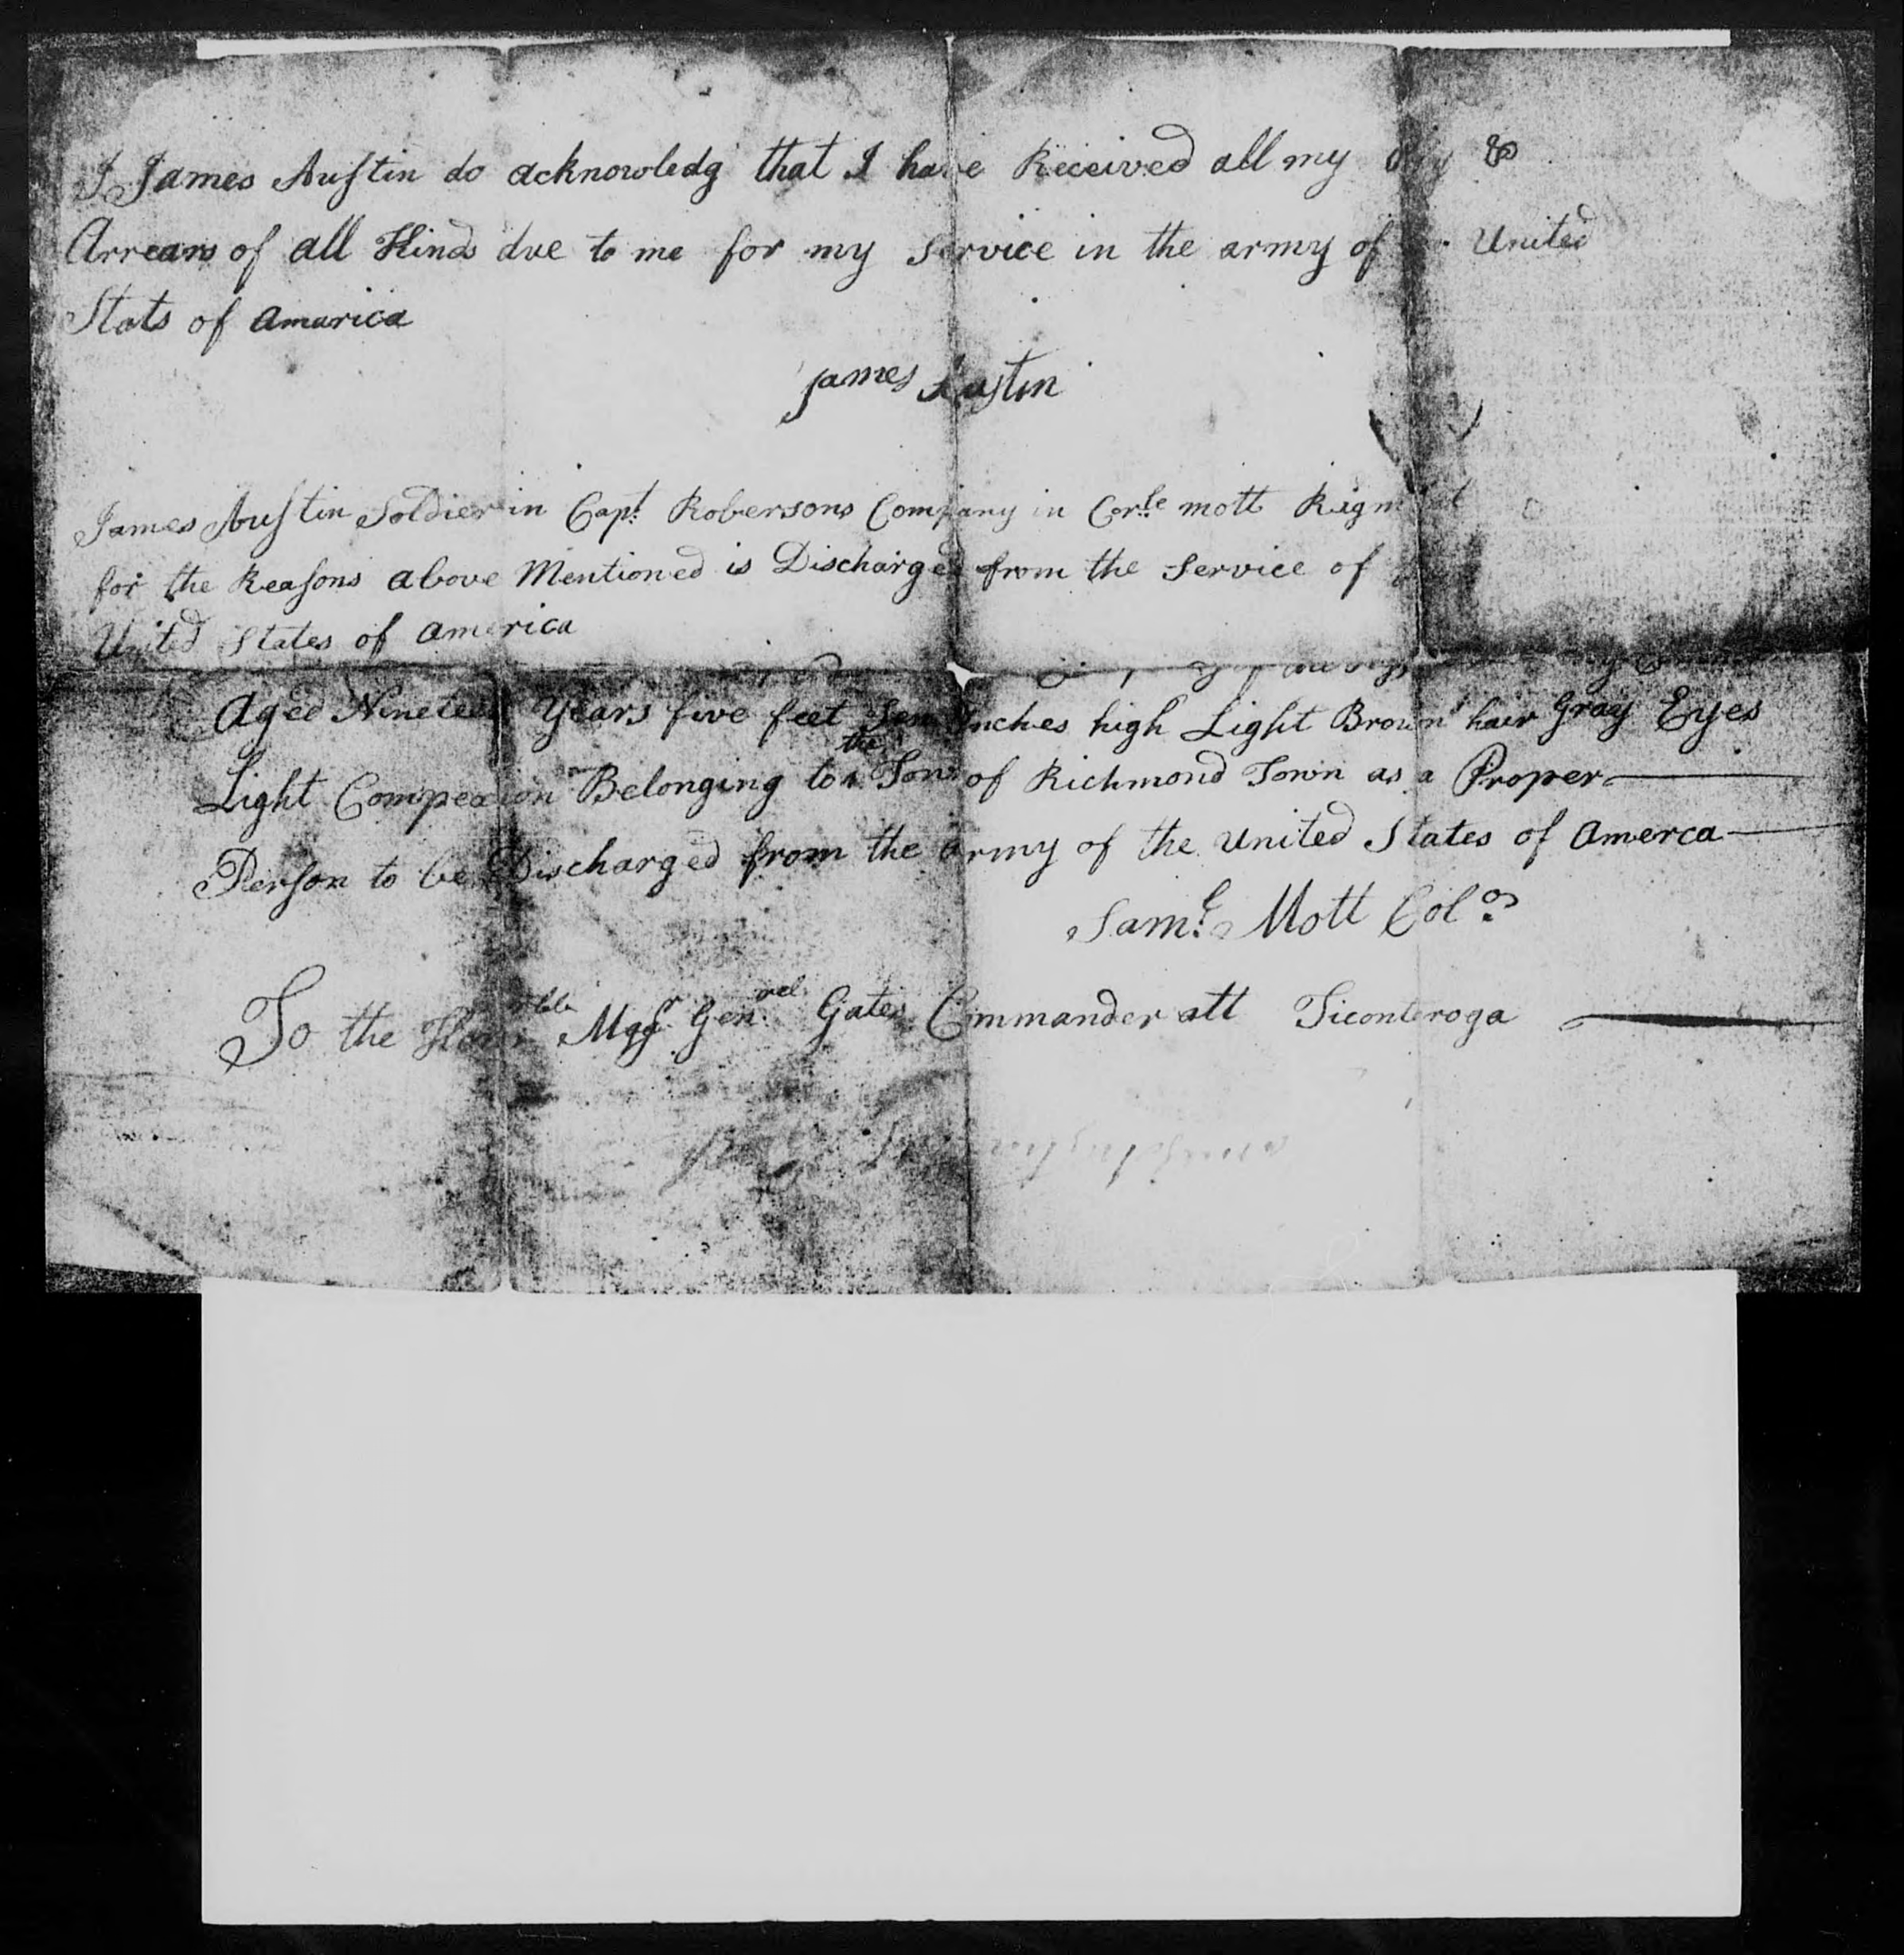I James Austin do acknowledg that I have received all my arrears of all kinds due to me for my service in the army of the United Stats of America
James Austin
James Austin soldier in Capt Robinsons company in Col. Mott regiment for the reasons above mentioned is discharged from the service of the United States of America
Aged nineteen years five feet seven inches high light brown hair gray eyes
Light complexion belonging to the sons of Richmond Town as a Proper Person to be discharged from the army of the United States of America
Saml Mott Col
To the Honorable Mag. Gen. Gates Commander at Ticonderoga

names: Gates, James Austin, Saml Mott, James Austin, James Austin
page: 44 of 100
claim: survivor's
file: S 19186, James Austin, Conn. New York R.I.